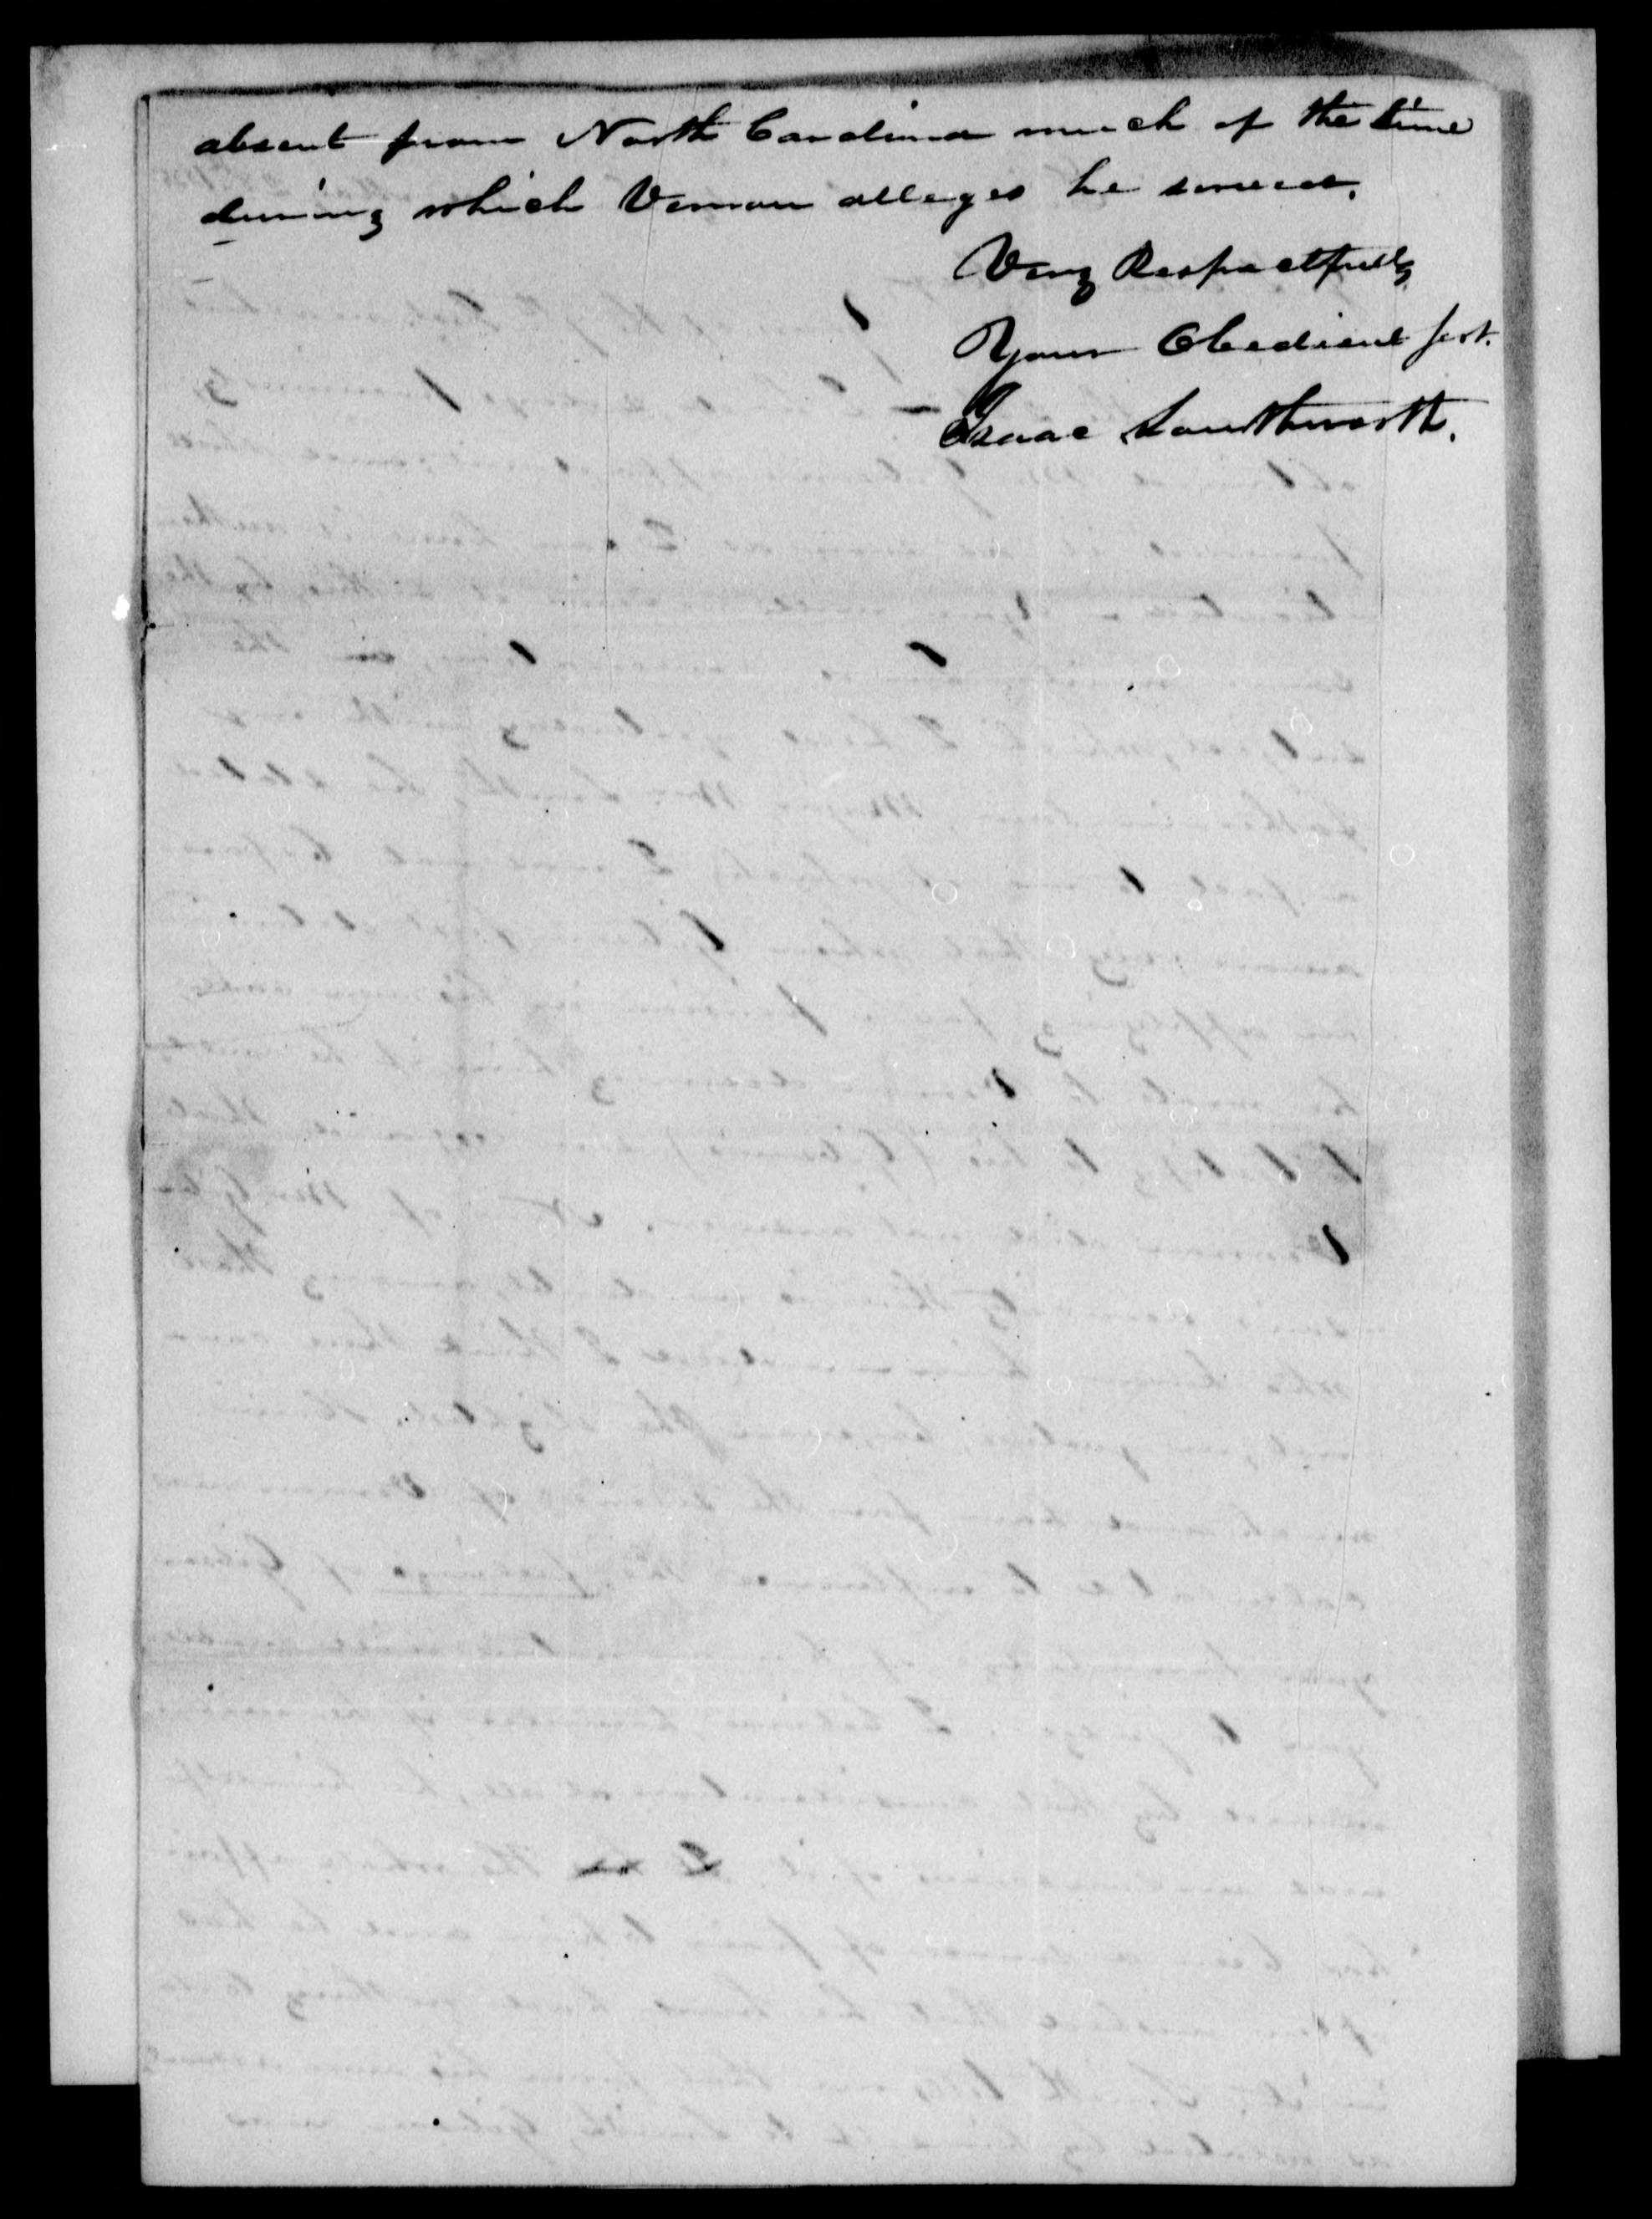absent from North Carolina much of the time during which Vernon alleges he served.
Very Respectfully
Your Obedient Sert.
George Southworth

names: Isaac Southworth, Vernon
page: 56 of 105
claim: survivor's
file: S. 1883, Richard Vernon, N.C.